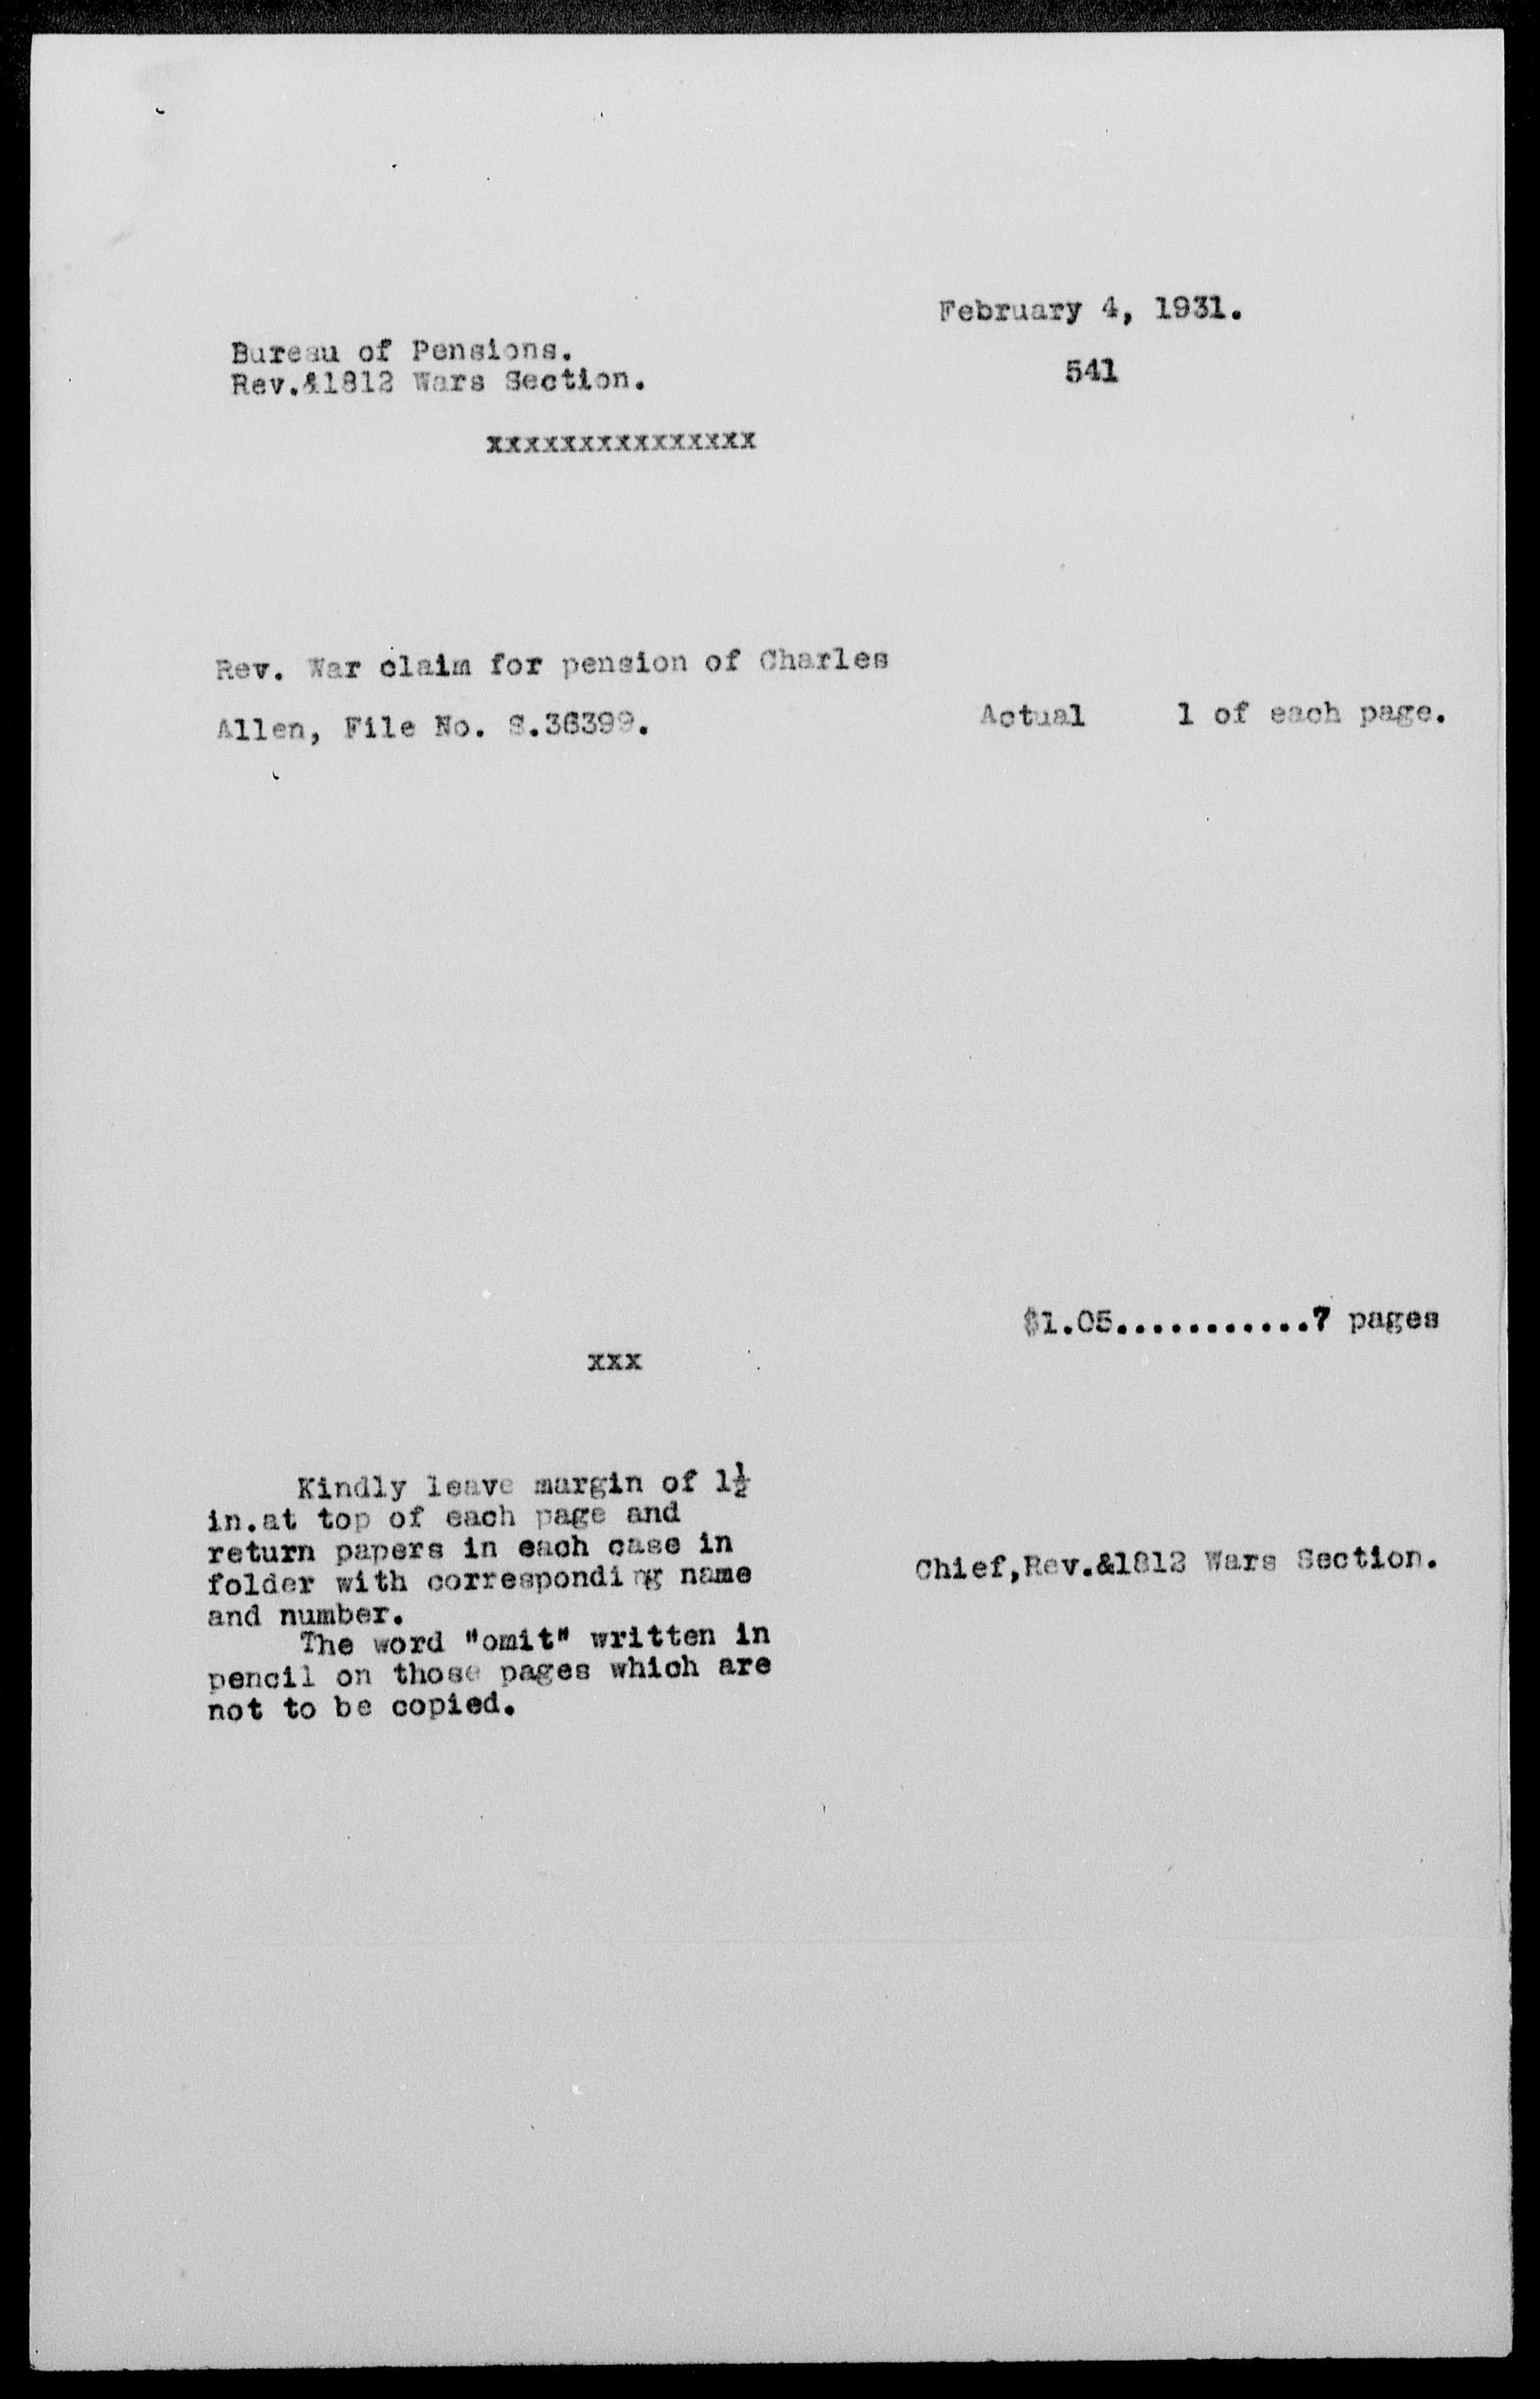Bureau of Pensions.
Rev. & 1812 Wars Section

February 4, 1931
541

XXXXXXXXXXX

Rev. War claim for pension of Charles Allen, File No. S. 38399.

Actual 1 of each page.

$1.05.........7 pages

Kindly leave margin of 1 1/2 inches at top of each page and return papers in each case in folder with corresponding name and number.

The word "omit" written in pencil on those pages which are not to be copied.

Chief, Rev. & 1812 Wars Section.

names: Charles Allen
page: 20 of 22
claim: survivor's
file: S. 36399, Charles Allen, Va.